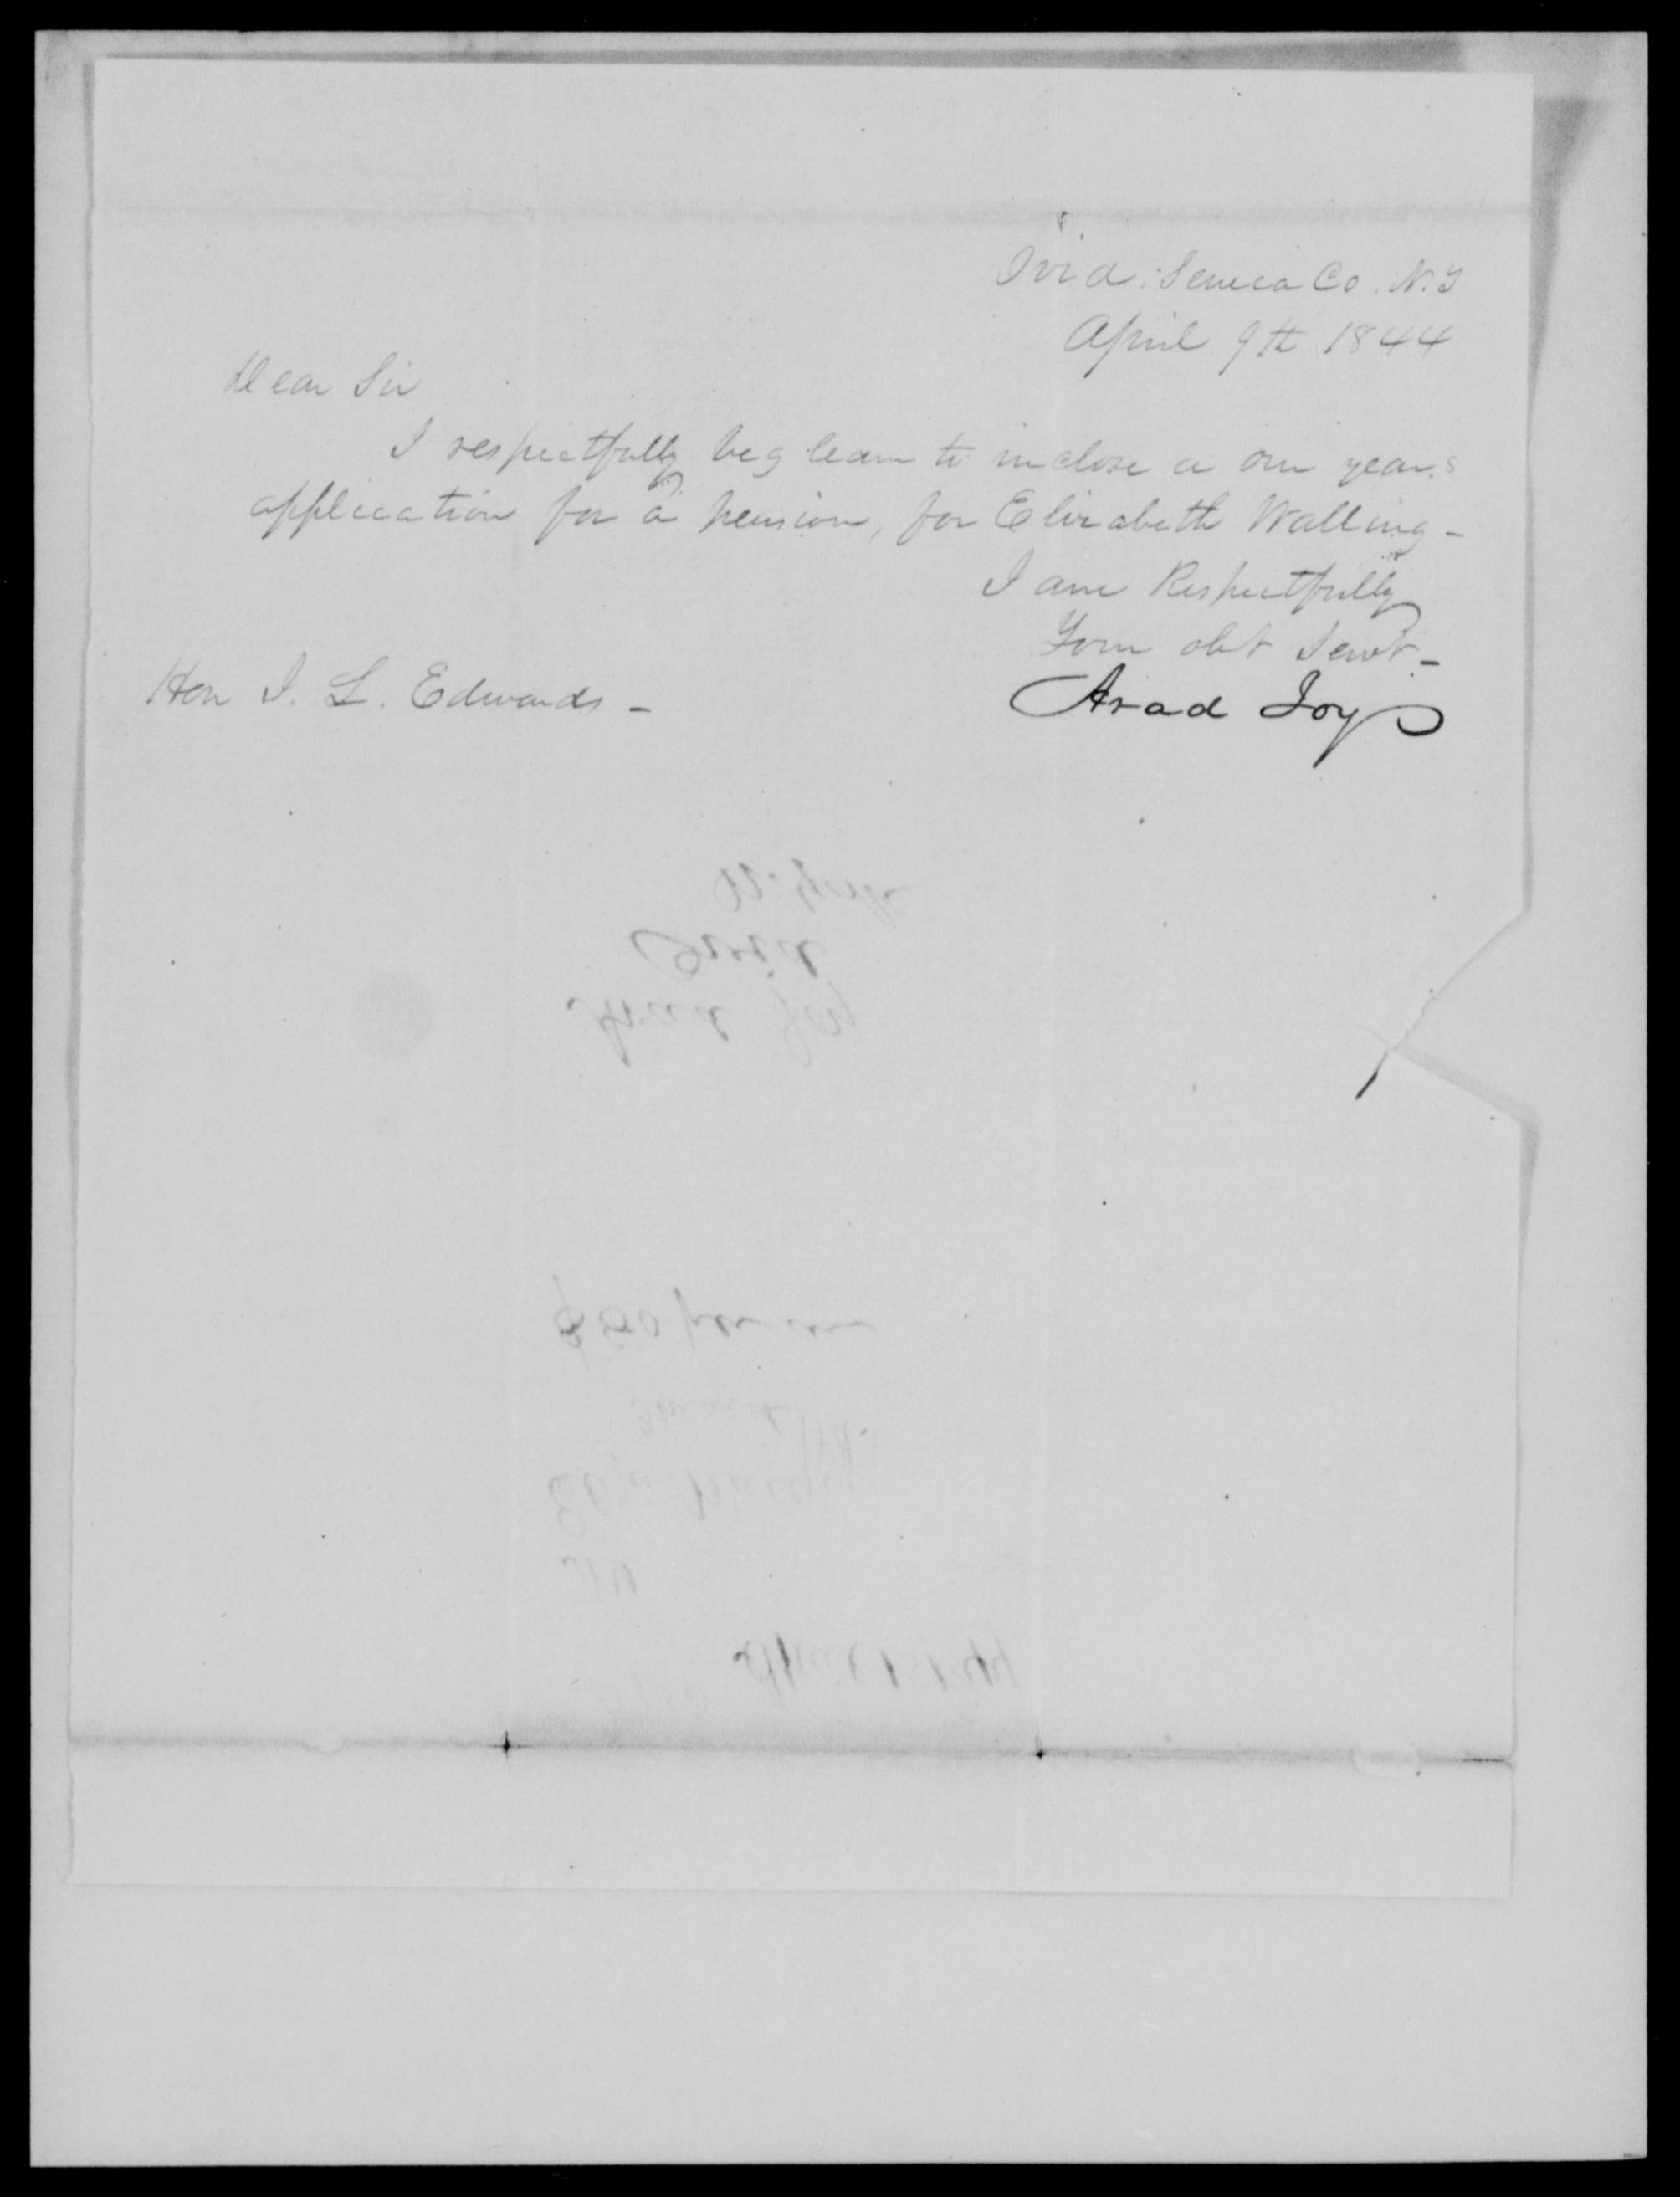Ovid Seneca Co. N.Y.
April 9th 1844

Dear Sir
I respectfully (two words, illegible) to enclose a one year application for a pension, for Elizabeth Walling. I am Respectfully Your (two words, Illegible) Arad Joy
Hon J. L. Edwards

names: Arad Joy, Elizabeth Walling, J L Edwards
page: 30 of 66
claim: widow's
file: W. 19588, William Walling, New Jersey